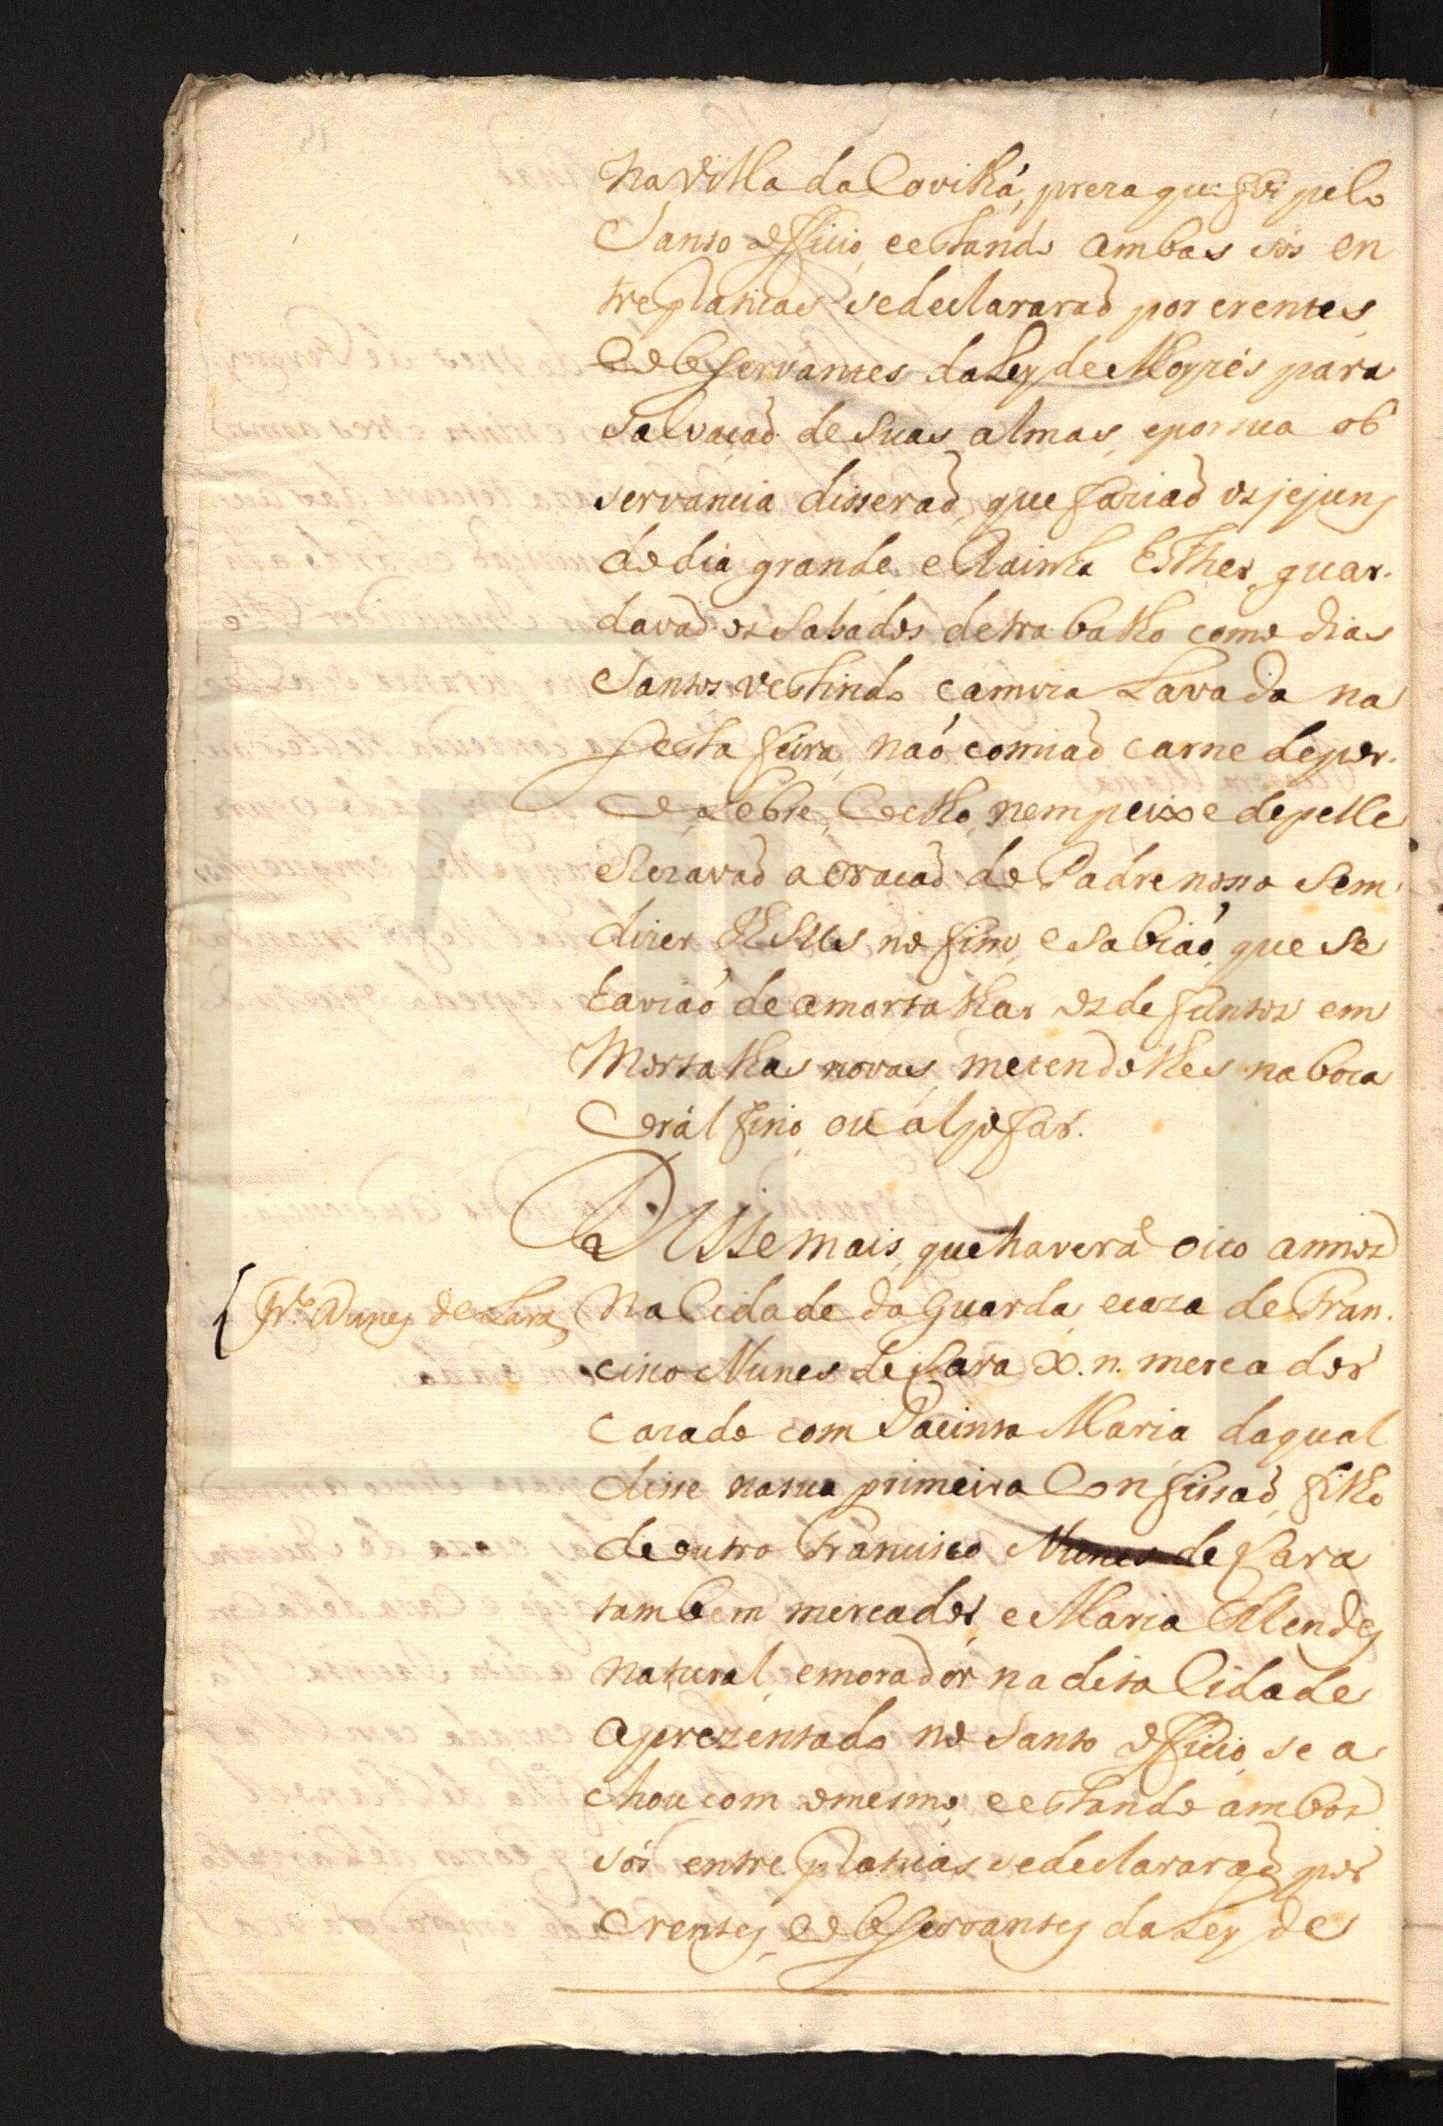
na villa da Covilhã, preza que foi pelo
Santo officio, e estando ambas sós en
tre pRaticas se declararaõ por crentes,
E observantes da Ley de Moyzés para
salvaçaõ de suas almas, e por sua ob
servancia disseraõ, que faziaõ os jejuns
do dia grande, e Rainha Esther, guar
davaõ os Sabados de trabalho como dias
Santos, vestindo camiza Lavada na
sesta feira, naõ comiaõ carne de por
e, Lebre, Coelho, nem peixe de pelle
e Rezavaõ a oraçaõ do Padre nosso Sem
dizer IEsus no fim, e sabiaõ, que se
haviaõ de amortalhar os defuntoz em
Mortalhas novas, metendolhes na boca
corál fino, ou aljofar.
Disse mais, que haverá oito annoz
na Cidade da Guarda, e caza de Fran
L Fr.co Nunes de Lara
cisco Nunes de Lara x. n. mercador
cazado com Iacinta Maria da qual
disse na sua primeira Confissaõ, filho
de outro Francisco Nunes de Lara
tambem mercador, e Maria Mendes
natural, e morador na dita Cidade
aprezentado no Santo officio, se a
chou com o mesmo, e estando ambos
sós entre pRaticas se declararaõ por
crentes, e observantes da Ley de
